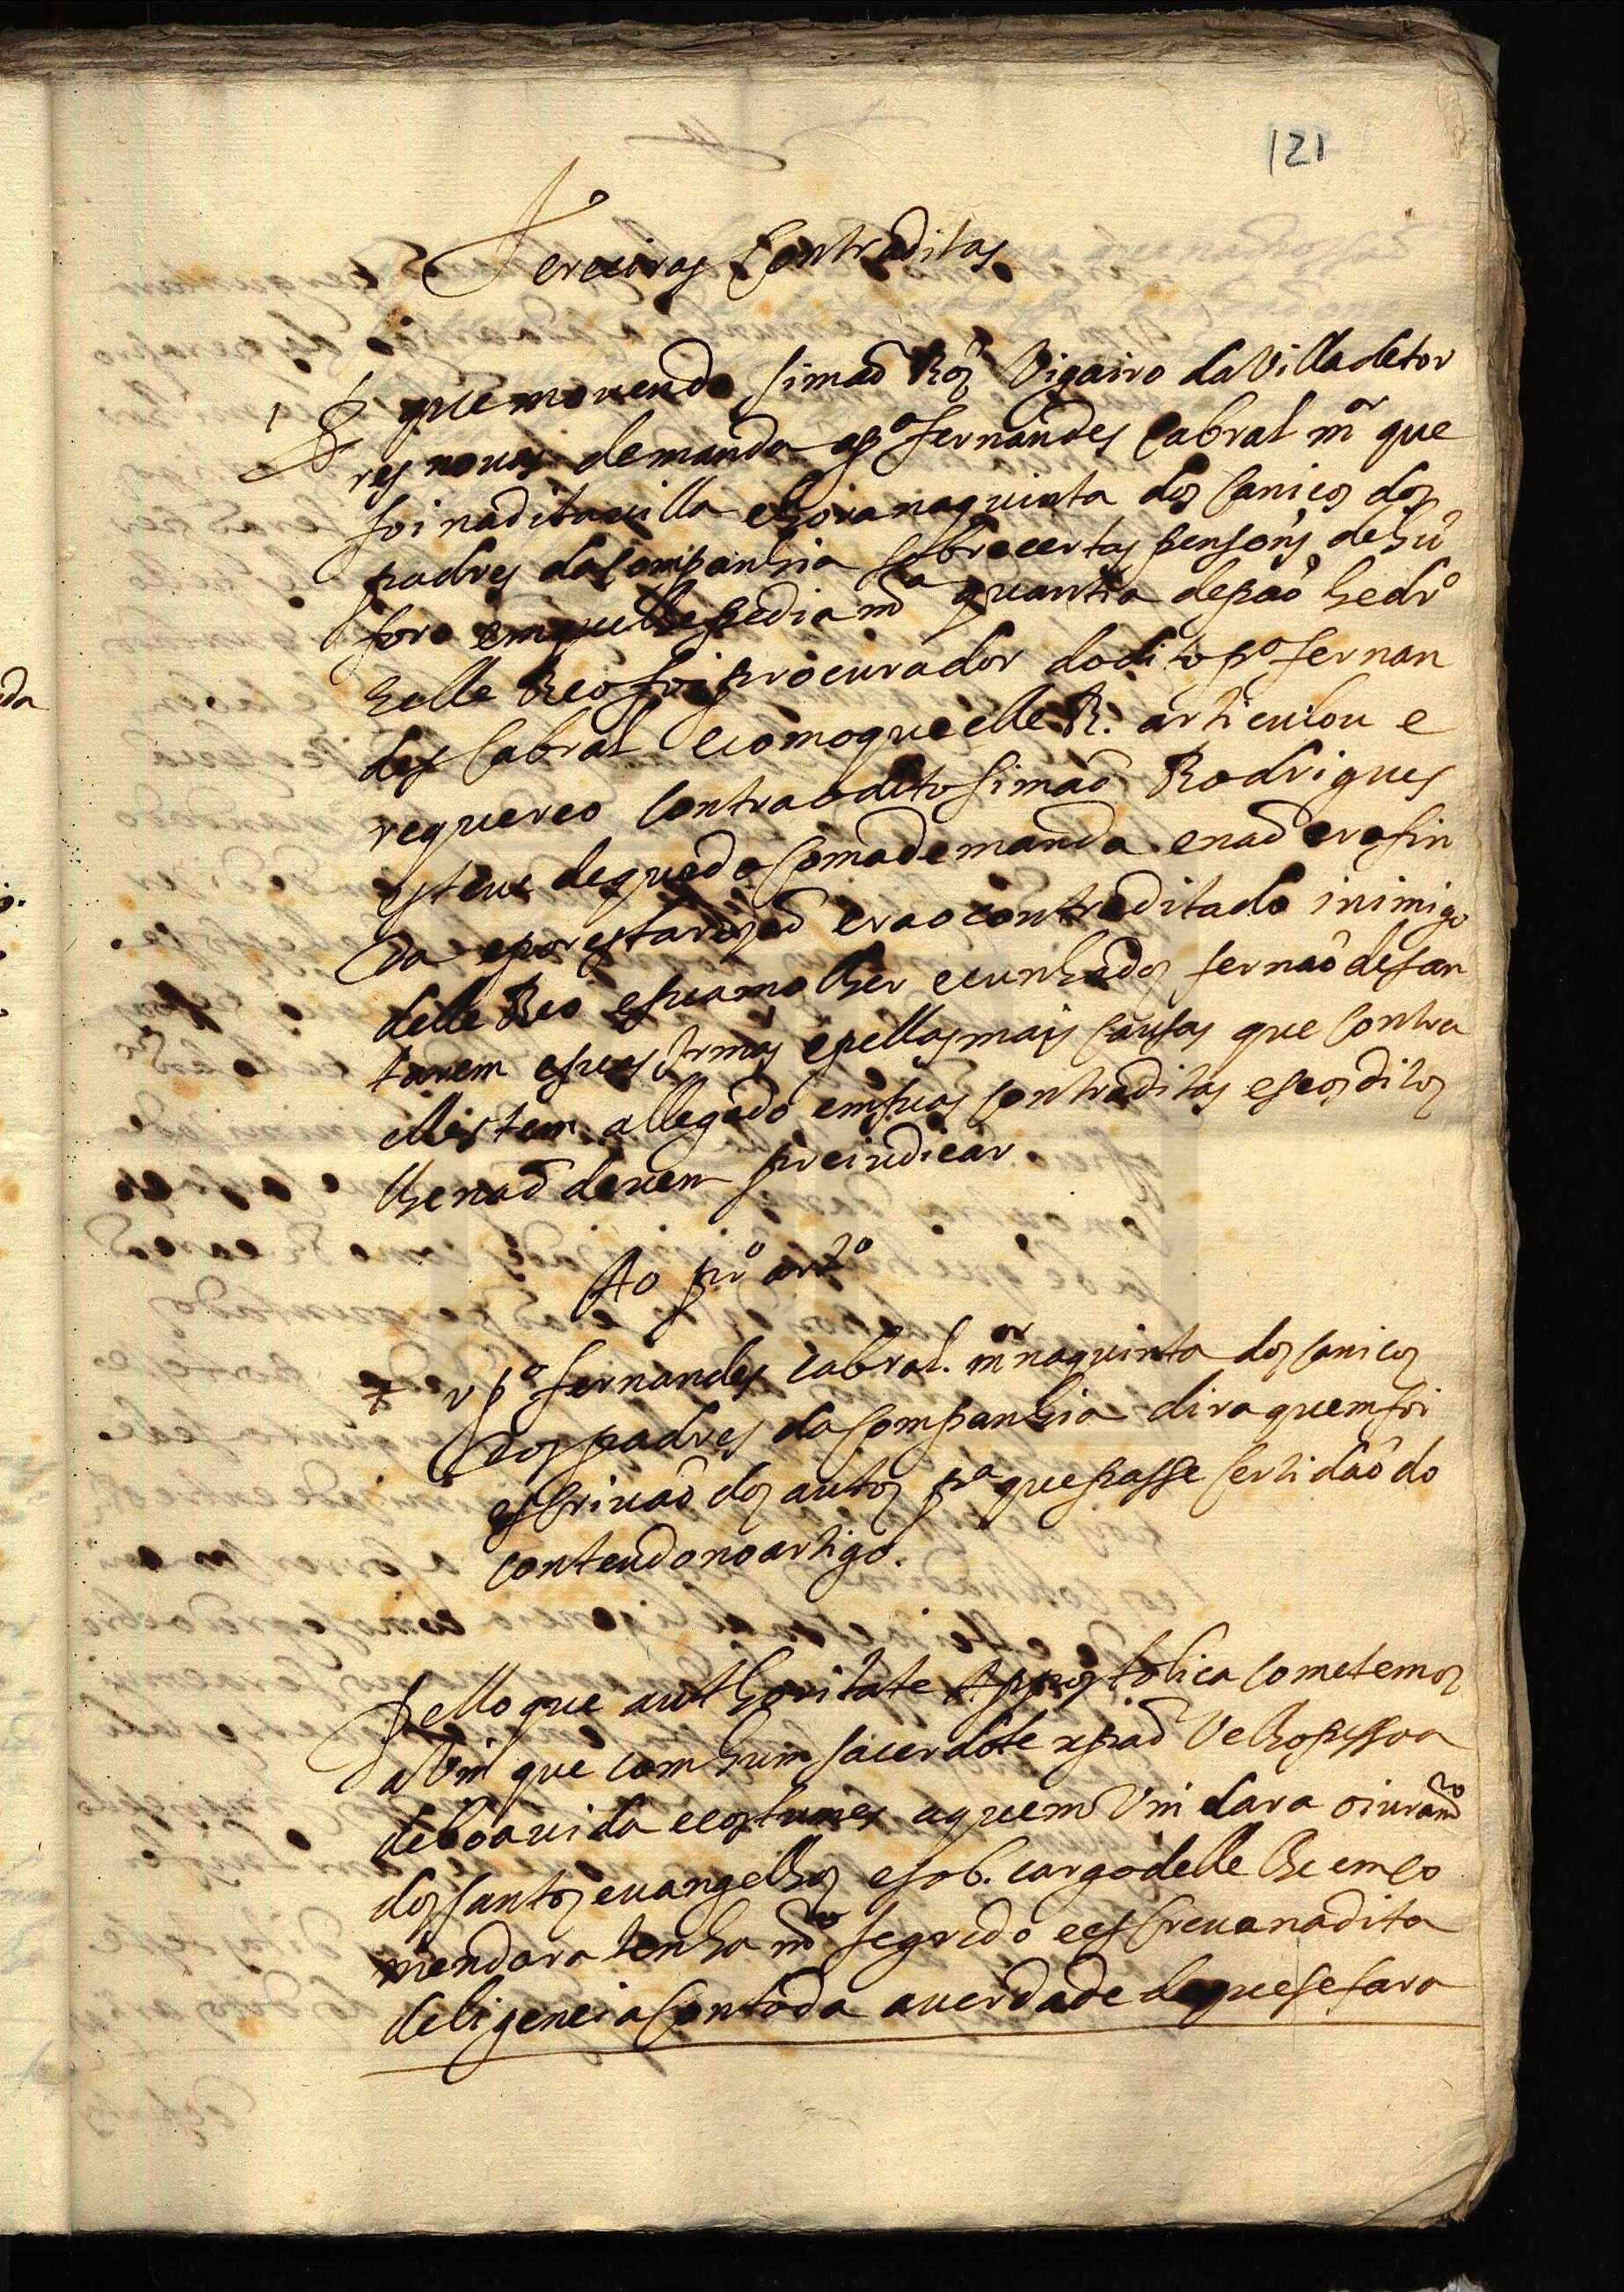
Terceiras Contraditas
1 ꝓ que mouendo simaõ Roz̄ Vigairo da Villa de tor
res nouas demanda a po fernandes cabral mor que
foi na dita uilla e hora na quinta dos Caniços dos
padres da companhia sobre certas penson̄s de hū
foro em que lhe pedia mta quantia de paõ he dro
E elle Reo foi procurador do dito po fernan
des Cabral e como que elle R. articulou e
requereo Contra o dito simaõ Rodrigues
esteue de quedo Com a demanda e naõ era fin
da e por esta rezaõ era o contraditado inimigo
delle Reo e sua molher e cunhados fernaõ de san
tarem e suas Jrmãs e pellas mais Causas que Contra
elles tem allegado em suas Contraditas e seos ditos
lhe naõ deuem preiudicar
Ao pro arto
t o po fernandes cabral. mor na quinta dos Caniços
dos padres da Companhia dira quem foi
escriuaõ dos autos pa que passe Certidaõ do
conteudo no artigo.
Pello que authoritate Appostolica cometemos
a Vm que com hum sacerdote xpaõ Velho pessoa
de boa uida e costumes a quem Vm dara o iuramto
dos santos euangelhos e sob cargo delle lhe emco
mendara tenha mto segredo e esCreua na dita
deligencia Con toda a uerdade de que se fara
